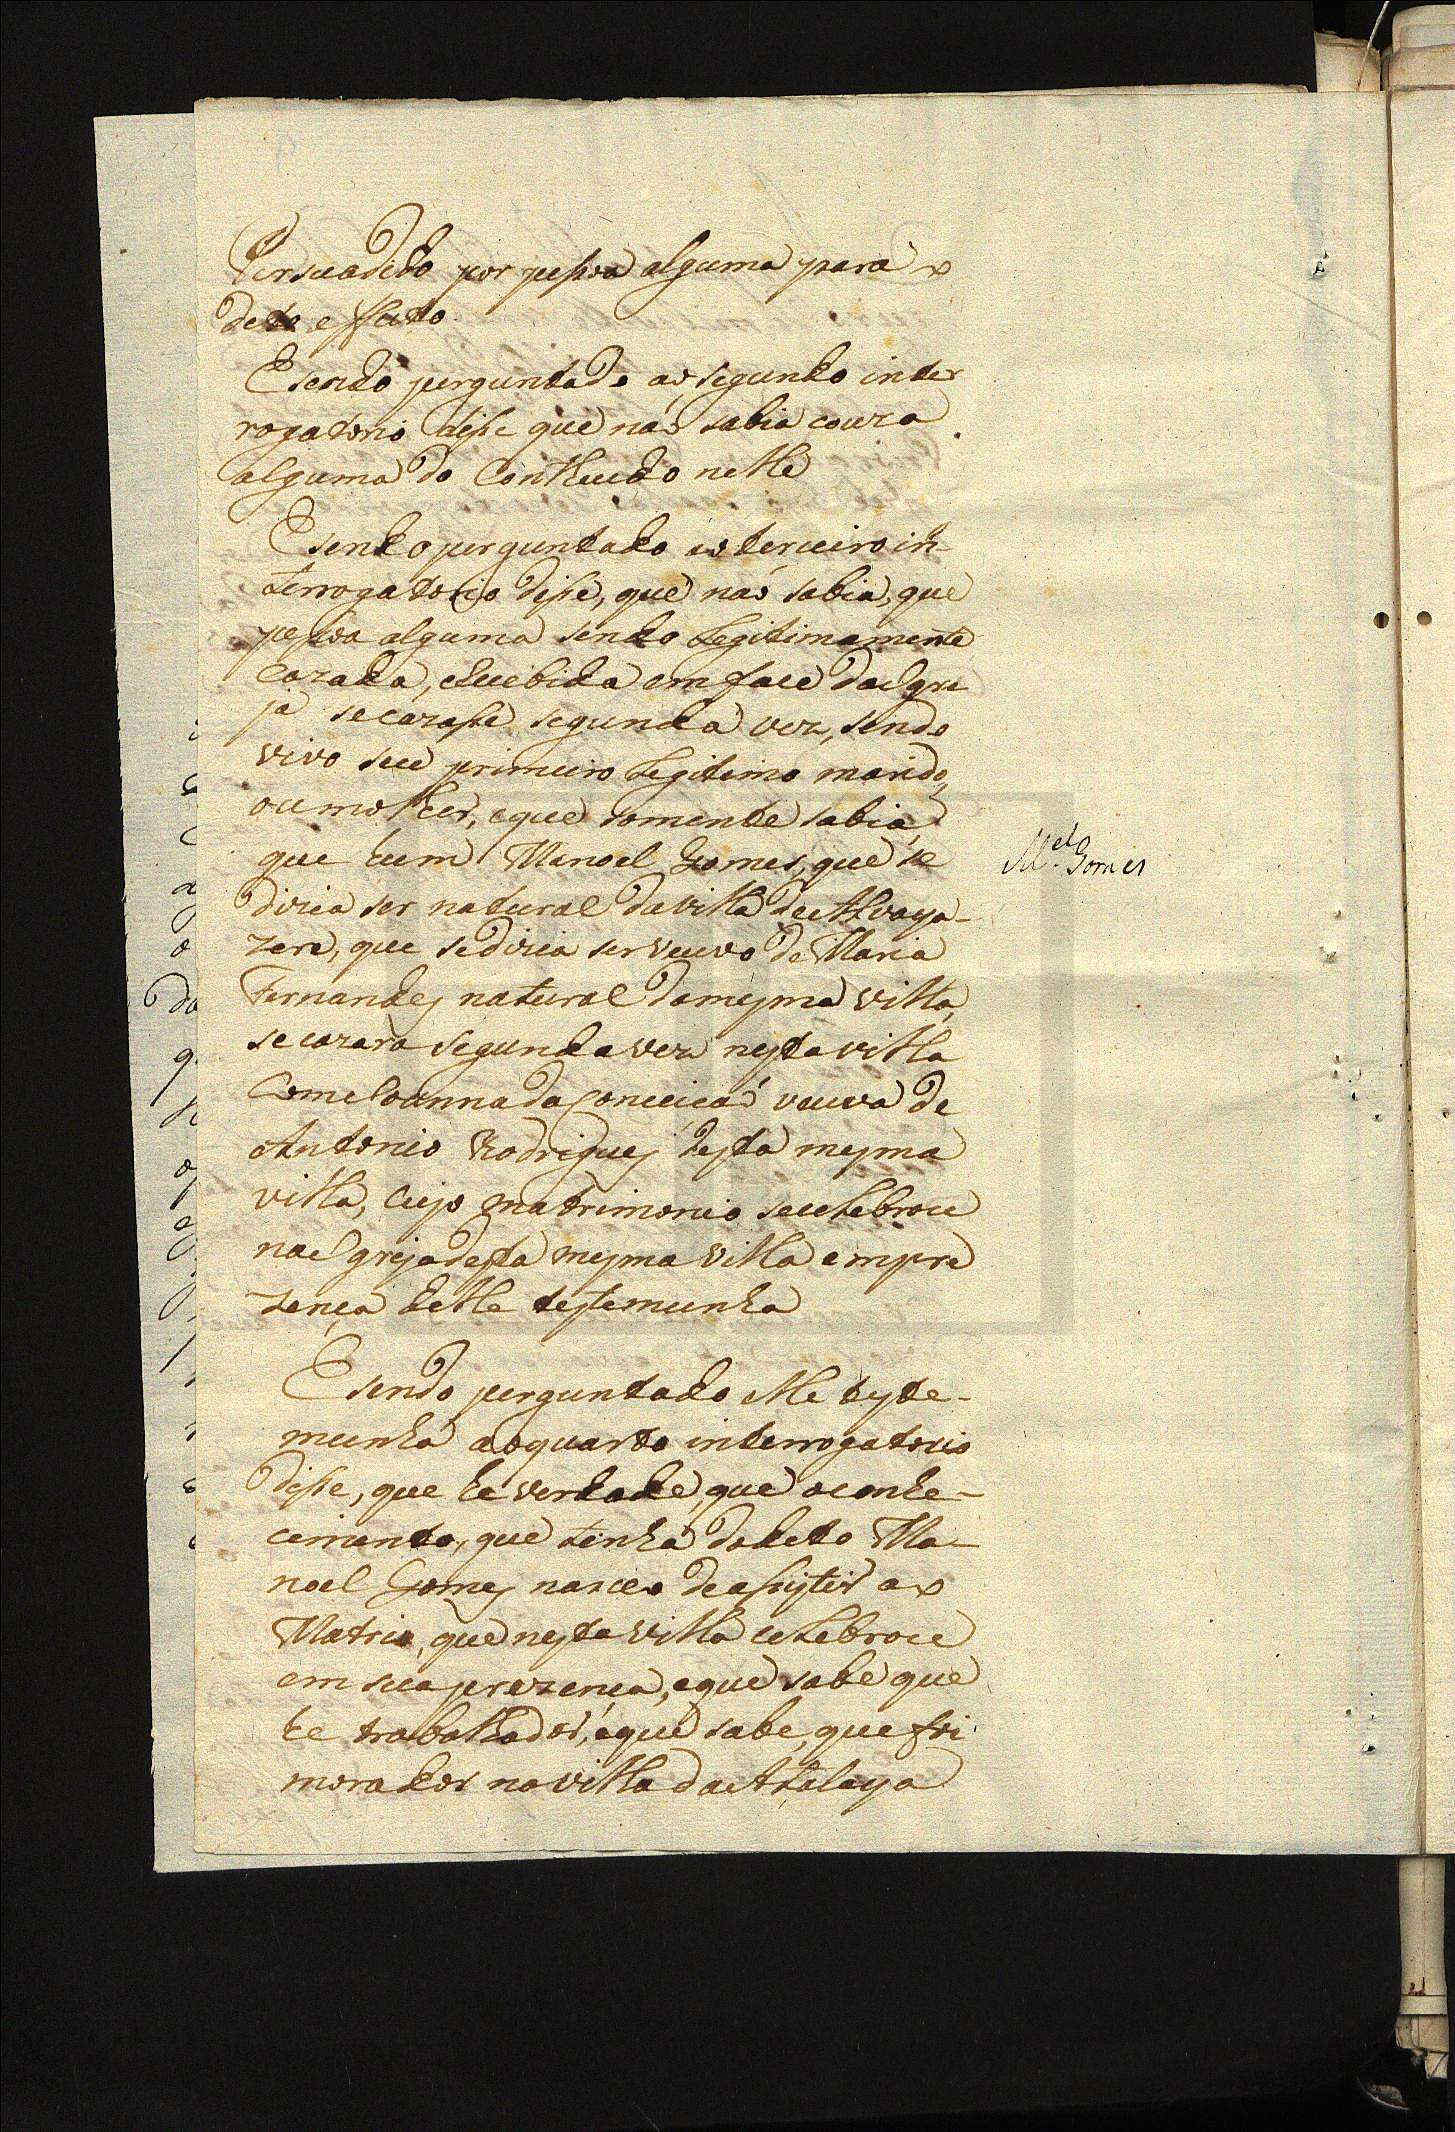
Persuadido por pessoa alguma para o
dito effeito.
E sendo perguntado ao segundo inter
rogatorio disse que não sabia couza
alguma do contheudo nelle
E sendo perguntado ao terceiro in
terrogatorio disse, que não sabia, que
pessoa alguma sendo Legitimamente
cazada, e Recebida em face da Igre
ja se cazasse segunda vez, sendo
vivo seu primeiro Legitimo marido,
ou molher, e que somente sabia
que hum Manoel Gomes, que se
dizia ser natural da villa de Alvaya
zere, que se dizia ser veuvo de Maria
Fernandes natural da mesma villa,
se cazara segunda vez nesta villa
Com Ioanna da Conceiçaõ veuva de
Antonio Rodrigues desta mesma
villa, cujo matrimonio se celebrou
na Igreja desta mesma villa em pre
zença delle testemunha
E sendo perguntado elle teste
munha ao quarto interrogatorio
disse, que he verdade, que o conhe
cimento, que tinha do deto Ma
noel Gomes nasceo de assistir ao
Matrio, que nesta villa celebrou
em sua prezença, e que sabe que
he trabalhador, e que sabe que foi
morador na villa da Atalaya
